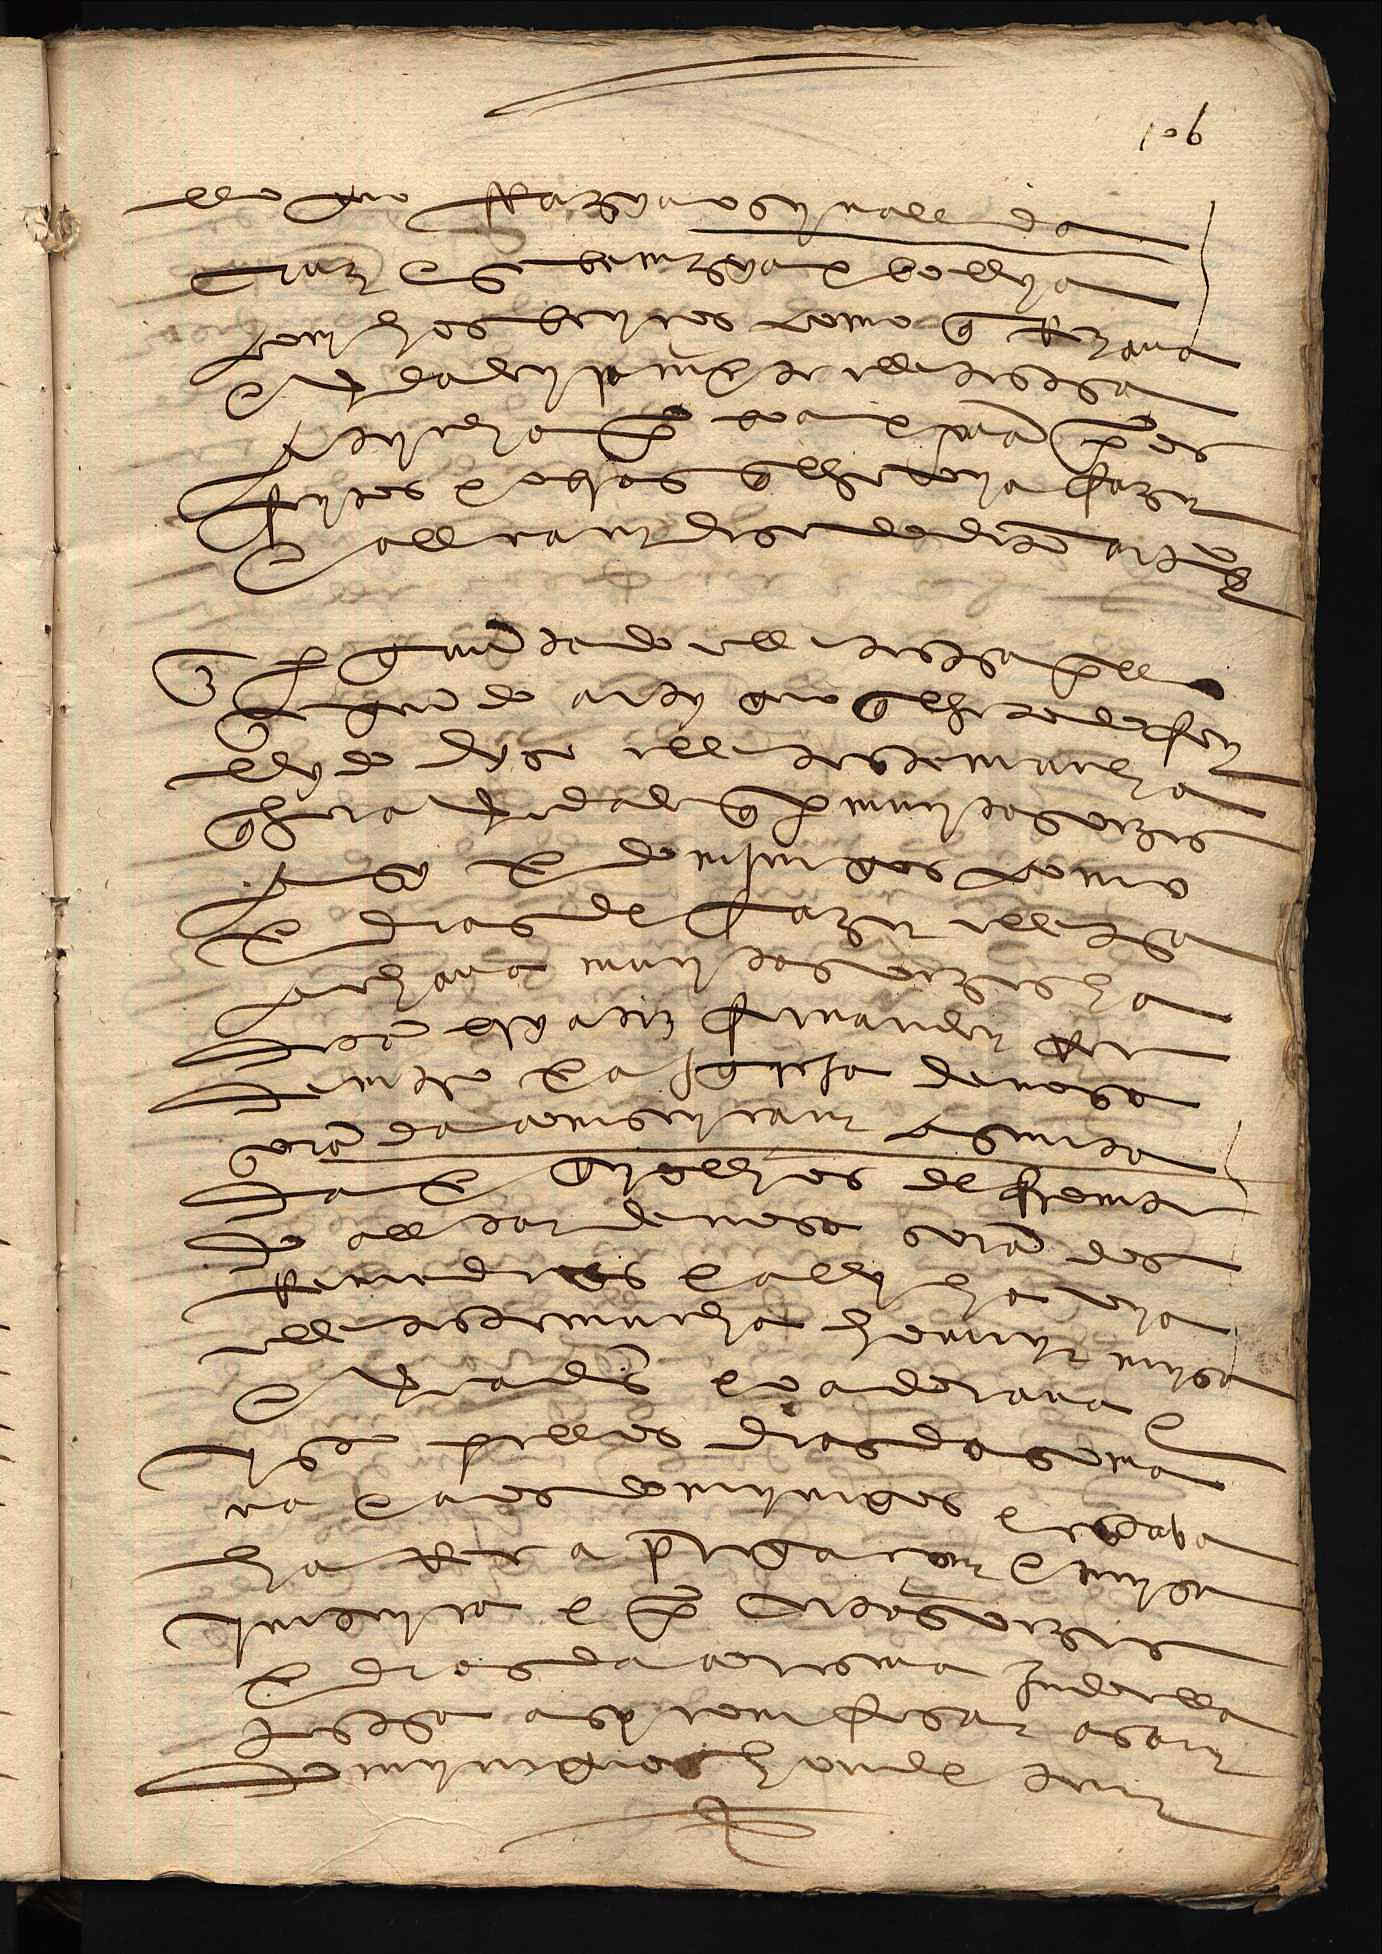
lloguo ffazya o synall da
Cruz e se bemzya e bollya
com hos beyços como q̄ Rezaua
e ꝟdadeyramēte elle testa
a tynha p̄o boa xpaā p̄o os
feytos e obras q̄ lhe vya fazer
e all nam dise do dito arto
item ꝑguntado elle testa p̄llo
segūdo artyguo q̄ lhe todo foy
llydo dyse elle testemunha
q̄ hera ꝟdade q̄ ꝑ muytas vezes
asy ē domjmgos como
ē dias de fazer elle tsa
achaua muytas vezes ha
dita bryatiz fernandez Ree
demtro ē a JgreJa de nosa
sorā da comseycam asemta
da ē gjolhos defromte
do alltar de nosa sorā dos
Remedios e ally ha vya
elle testemunha houuyr mysa
e ꝟ a ds̄ e o adoraua e
ysto pellos dias da soma
na e aos domymgos e estava
ha Ree a pregaçom e mysa
ymteyra e p̄o Certas vezes
ē dias da coresma Jmdo ella
testa asy comfesar a sam
domymguos honde tem
